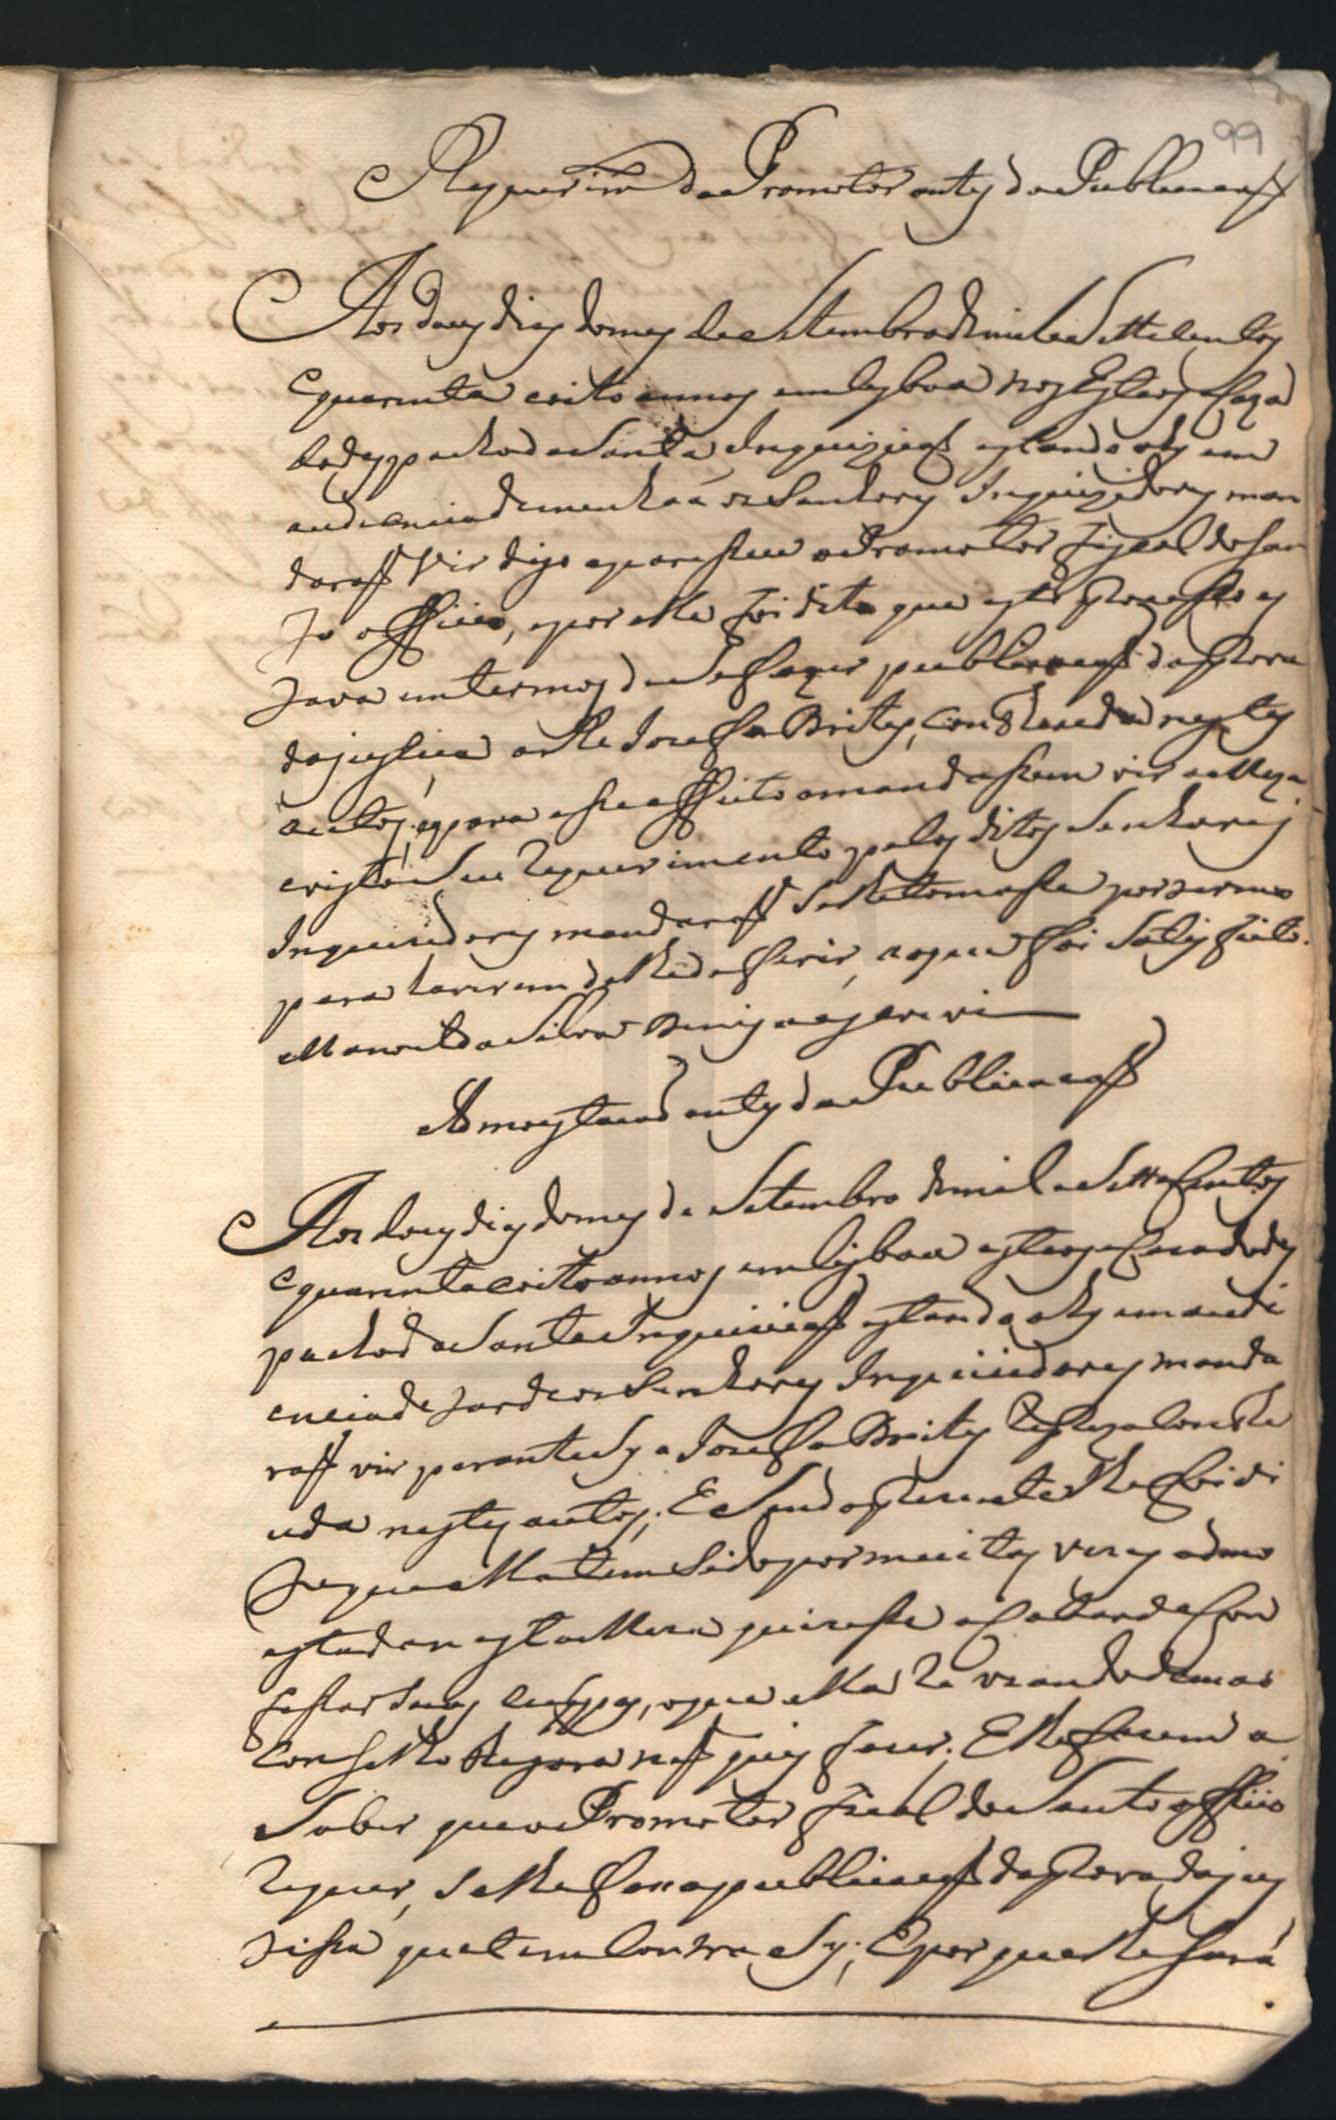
Requerimto do Promotor antes da Publicaçaõ
Aos dous dias do mes de Setembro de mil e Settecentos
e quarenta e oito annos em lisboa nos Estaos e Caza
do despacho da Santa Inquiziçaõ estando ahy em
audiencia de menhaã os Senhores Inquizidores man
daraõ Vir digo e paresseu o Promotor fiscal do san
to officio, e por elle foi dito que este pRocesso es
tava em termos de se fazer publicaçaõ de pRova
da justiça a Re Iozefa Brites, Contheuda nestes
autos, e para esse effeito a mandassem vir a Meza
e visto seu Requerimento pelos ditos Senhores
Inquizidores mandaraõ se lhe tomasse por termo
para haverem de lhe deferir, ao que foi satisfeito.
Manoel da Silva Denis a escrevi
Amoestaçaõ antes da Publicaçaõ
Aos dous dias do mes de Setembro de mil SetteCentos
e quarenta e oito annos em lisboa estaos Caza do des
pacho da Santa Inquiziçaõ estando ahy em audi
encia de tarde os Senhores Inquizidores manda
raõ vir perante sy a Iozefa Brites Re pReza Conthe
uda nestes autos; E Sendo prezente lhe foi di
to que ella tem sido por muitas vezes admo
estada nesta Meza quizesse aCabar de Con
fessar suas culpas, o que ella Re vzando de maó
Conselho the gora naõ quis fazer. E lhe fazem a
Saber que o Promotor fiscal do Santo officio
Requer, se lhe fassa publicaçaõ da pRova da jus
tissa que tem Contra sy; E porque lhe será
